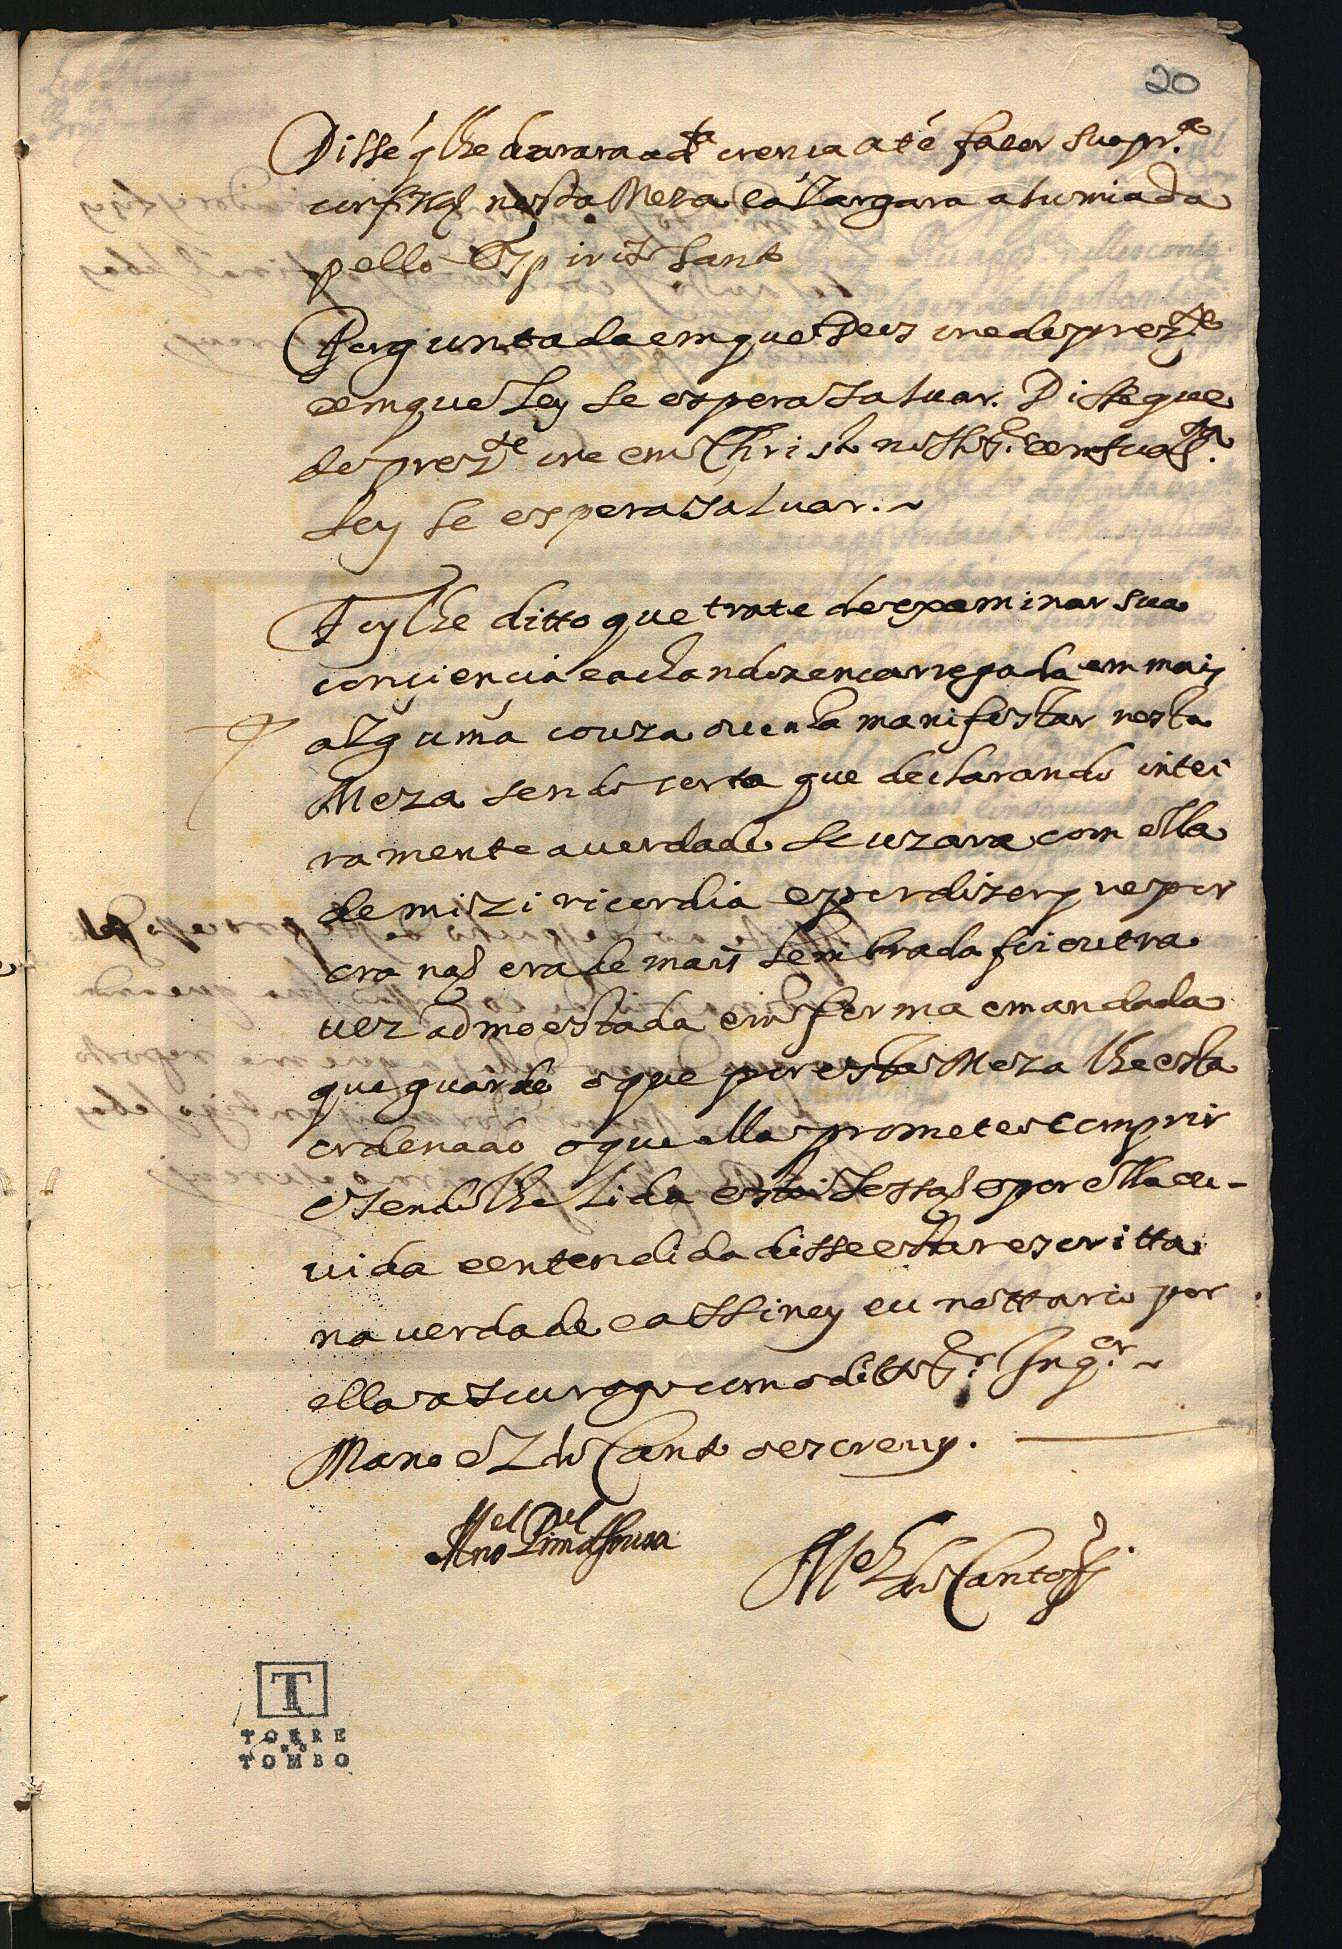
Disse q̄ lhe durara a d̄a crença até fazer sua pr.a
confissaõ nesta Meza e a largara alumiada
pello Espirito Santo
Perguntada em que Deos cre de prez.te
e em que Ley se espera saluar. Disse que
de prezte cre em Christo nosso s.or e em sua s.ta
Ley se espera saluar.
Foylhe ditto que trate de examinar sua
conciencia e achandoa encarregada em mais
alguma couza o uenha manifestar nesta
Meza sendo certa que declarando intei
ramente a uerdade se uzara com ella
de miziricordia e por dizer que por
ora naõ era de mais Lembrada foi outra
uez admoestada em forma e mandada
que guarde o que por esta Meza lhe esta
ordenado o que ella prometeo comprir
e sendolhe lida esta Sessaõ e por ella ou
uida e entendida disse estar escritta
na uerdade e assiney eu nottario por
ella a seu rogo com o ditto s.or Jnq.or.
ManoeL do Canto o escreuy.
Mnoel Pimel d̄ Sousa
MeL do Canto
